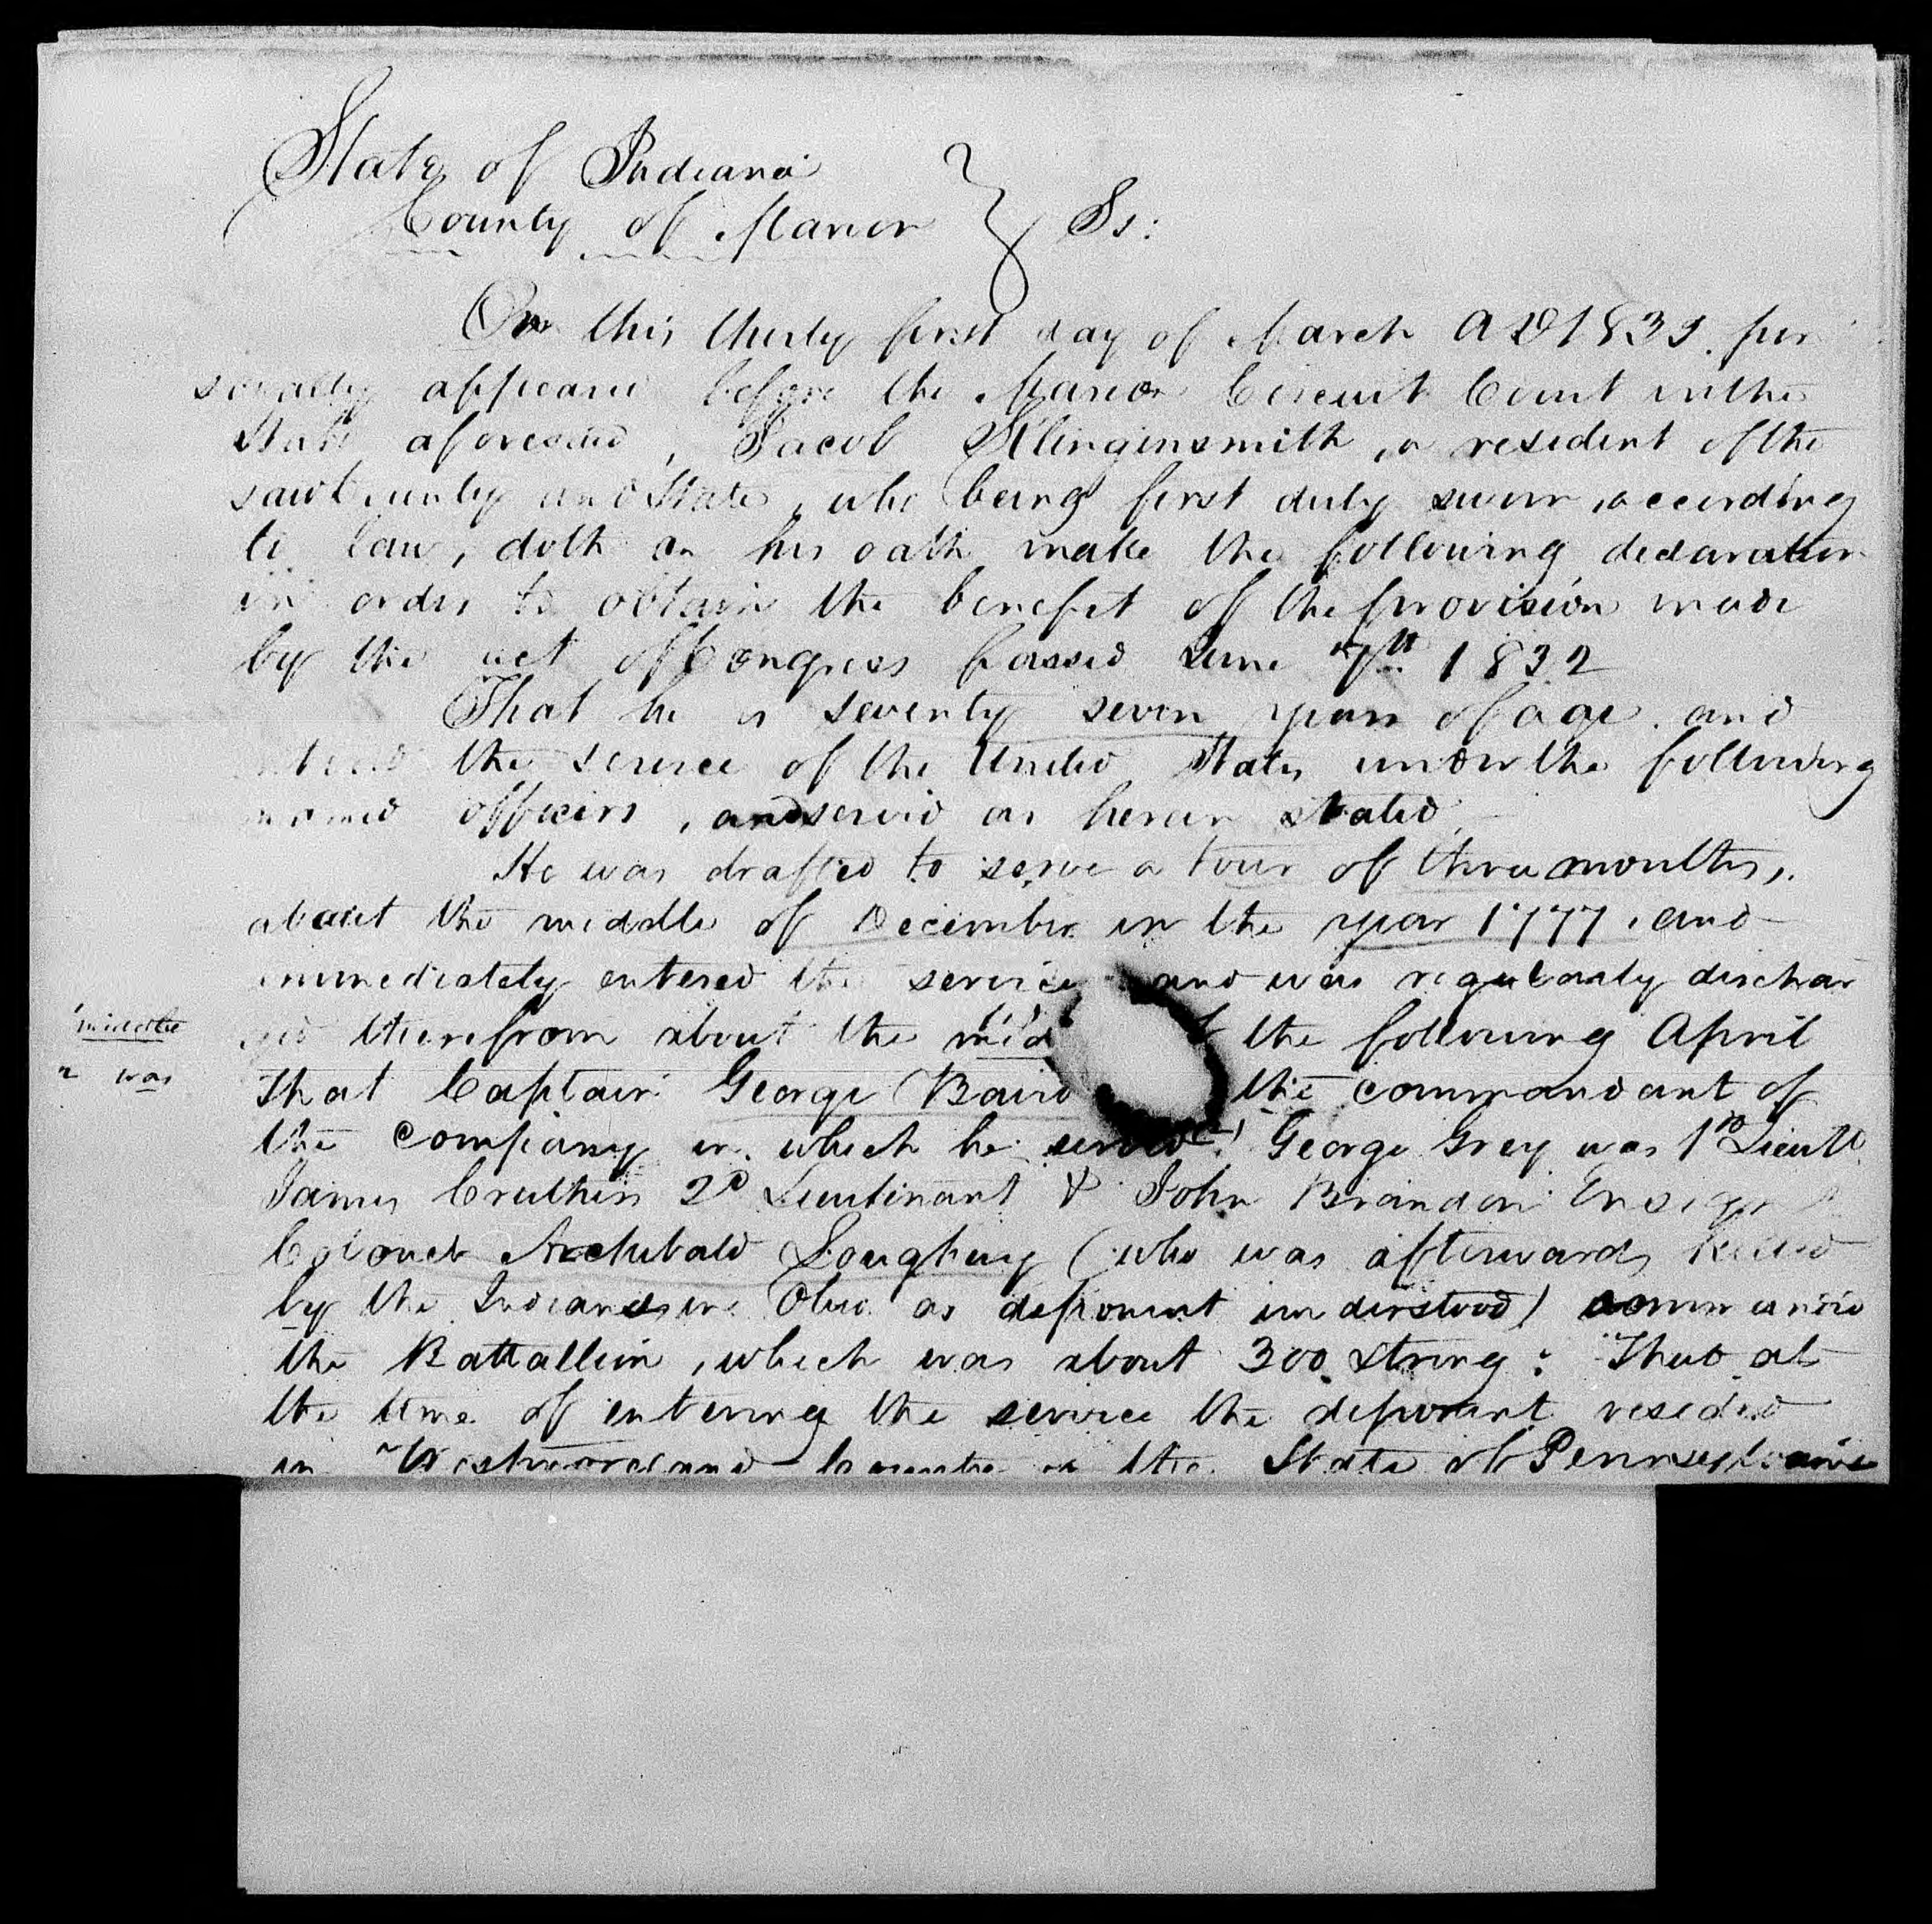State of Indiana
County of Marion Ss:

On this thirty first day of March AD1839 per
sonally appeared before the Marion Circuit Court in the State aforesaid, Jacob Klinginsmith a resident of the said County and State, who being first duly sworn, according to law,  doth on his oath make the following declaration
in order to obtain the benefit of the provision made 
 by the act of Congress passed June 7th 1832

That he is seventy seven years of age and
entered the service of the United States under the following named officers, and served as herein stated

He was drafted to serve a tour of three months, 
about the middle of December in the year 1777, and immediately entered the service and was regularly discharged therefrom  about the mid[dle of] the following April
That Captain George Baird [was] the commandant of the company in which he served. George Grey was 1st Lieut James Cruthin 2d Lieutinant & John Brandon: Ensign Colonel Archibald Loughery (who was afterwards killed by the Indians in  Ohio as deponent un derstood). commanded the Battallein, which was about 300 strong: That at the time of entering the service the deponant] resided
in Westmoreland County  in the State  of Pennsylvania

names: George Grey; John Brandon; George Baird; Jacob Klinginsmith; James Cruther; Archibald Loughery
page: 7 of 14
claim: rejected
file: R. 6005, for Jacob Klinginsmith, Pennsylvania